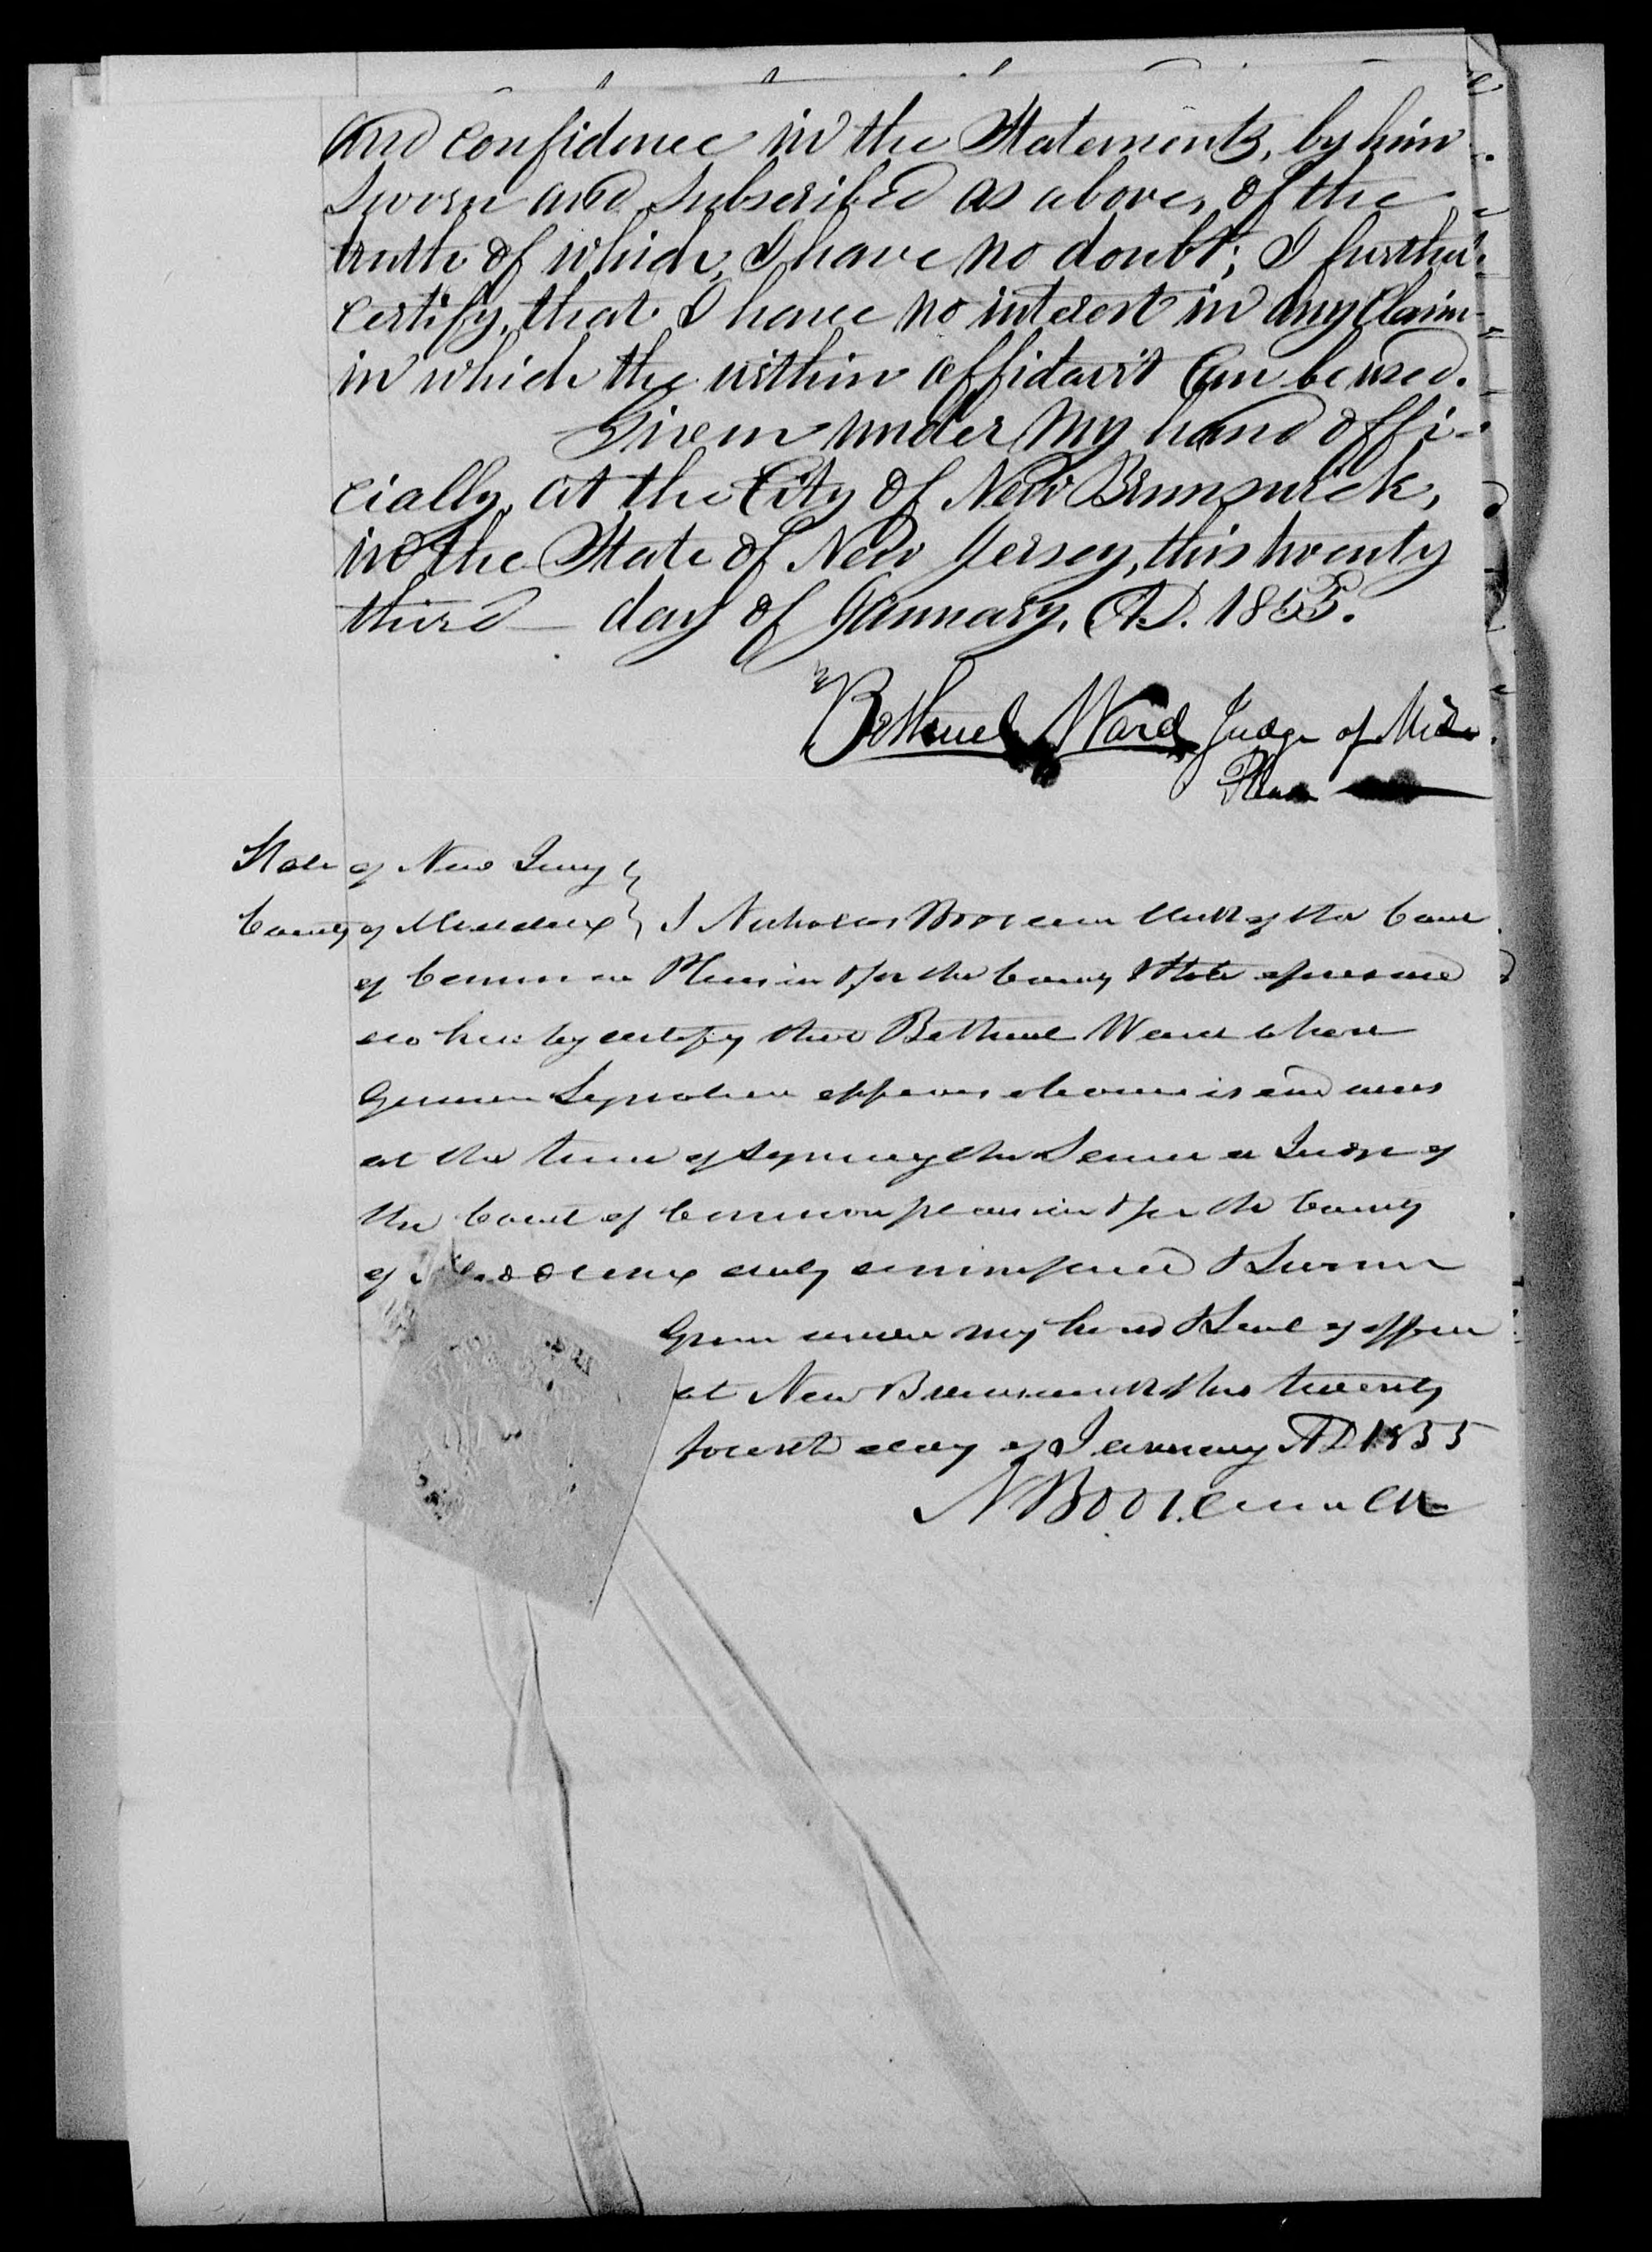...and confidence in the statements by him sworn and subscribed as above of the truth of which I have no doubt. I further certify that I have no interest in any claim in which the within affidavit can be used.

Given under my hand officially at the City of New Brunswick in the State of New Jersey this Twenty third day of January A.D. 1853.
s/ Bethnel Ward, Judge of Common Pleas

State of New Jersey
County of Middlesex//

I, Nicholas Booraem, Clerk of the Court of Common Pleas in & for the County & State aforesaid do hereby certify that Bethnel Ward, whose genuine signature appears above is and was, at the time of signing the same, a Judge of the Court of Common Pleas in & for the County of Middlesex, duly commissioned & sworn.

Given under my hand & seal of office at New Brunswick this Twenty fourth day of January A.D. 1853.
s/ N. Booraem, Clerk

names: Nicholas Boorem; Bethnel Ward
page: 23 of 95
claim: survivor's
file: S 2889, for Levi Mundy, New Jersey